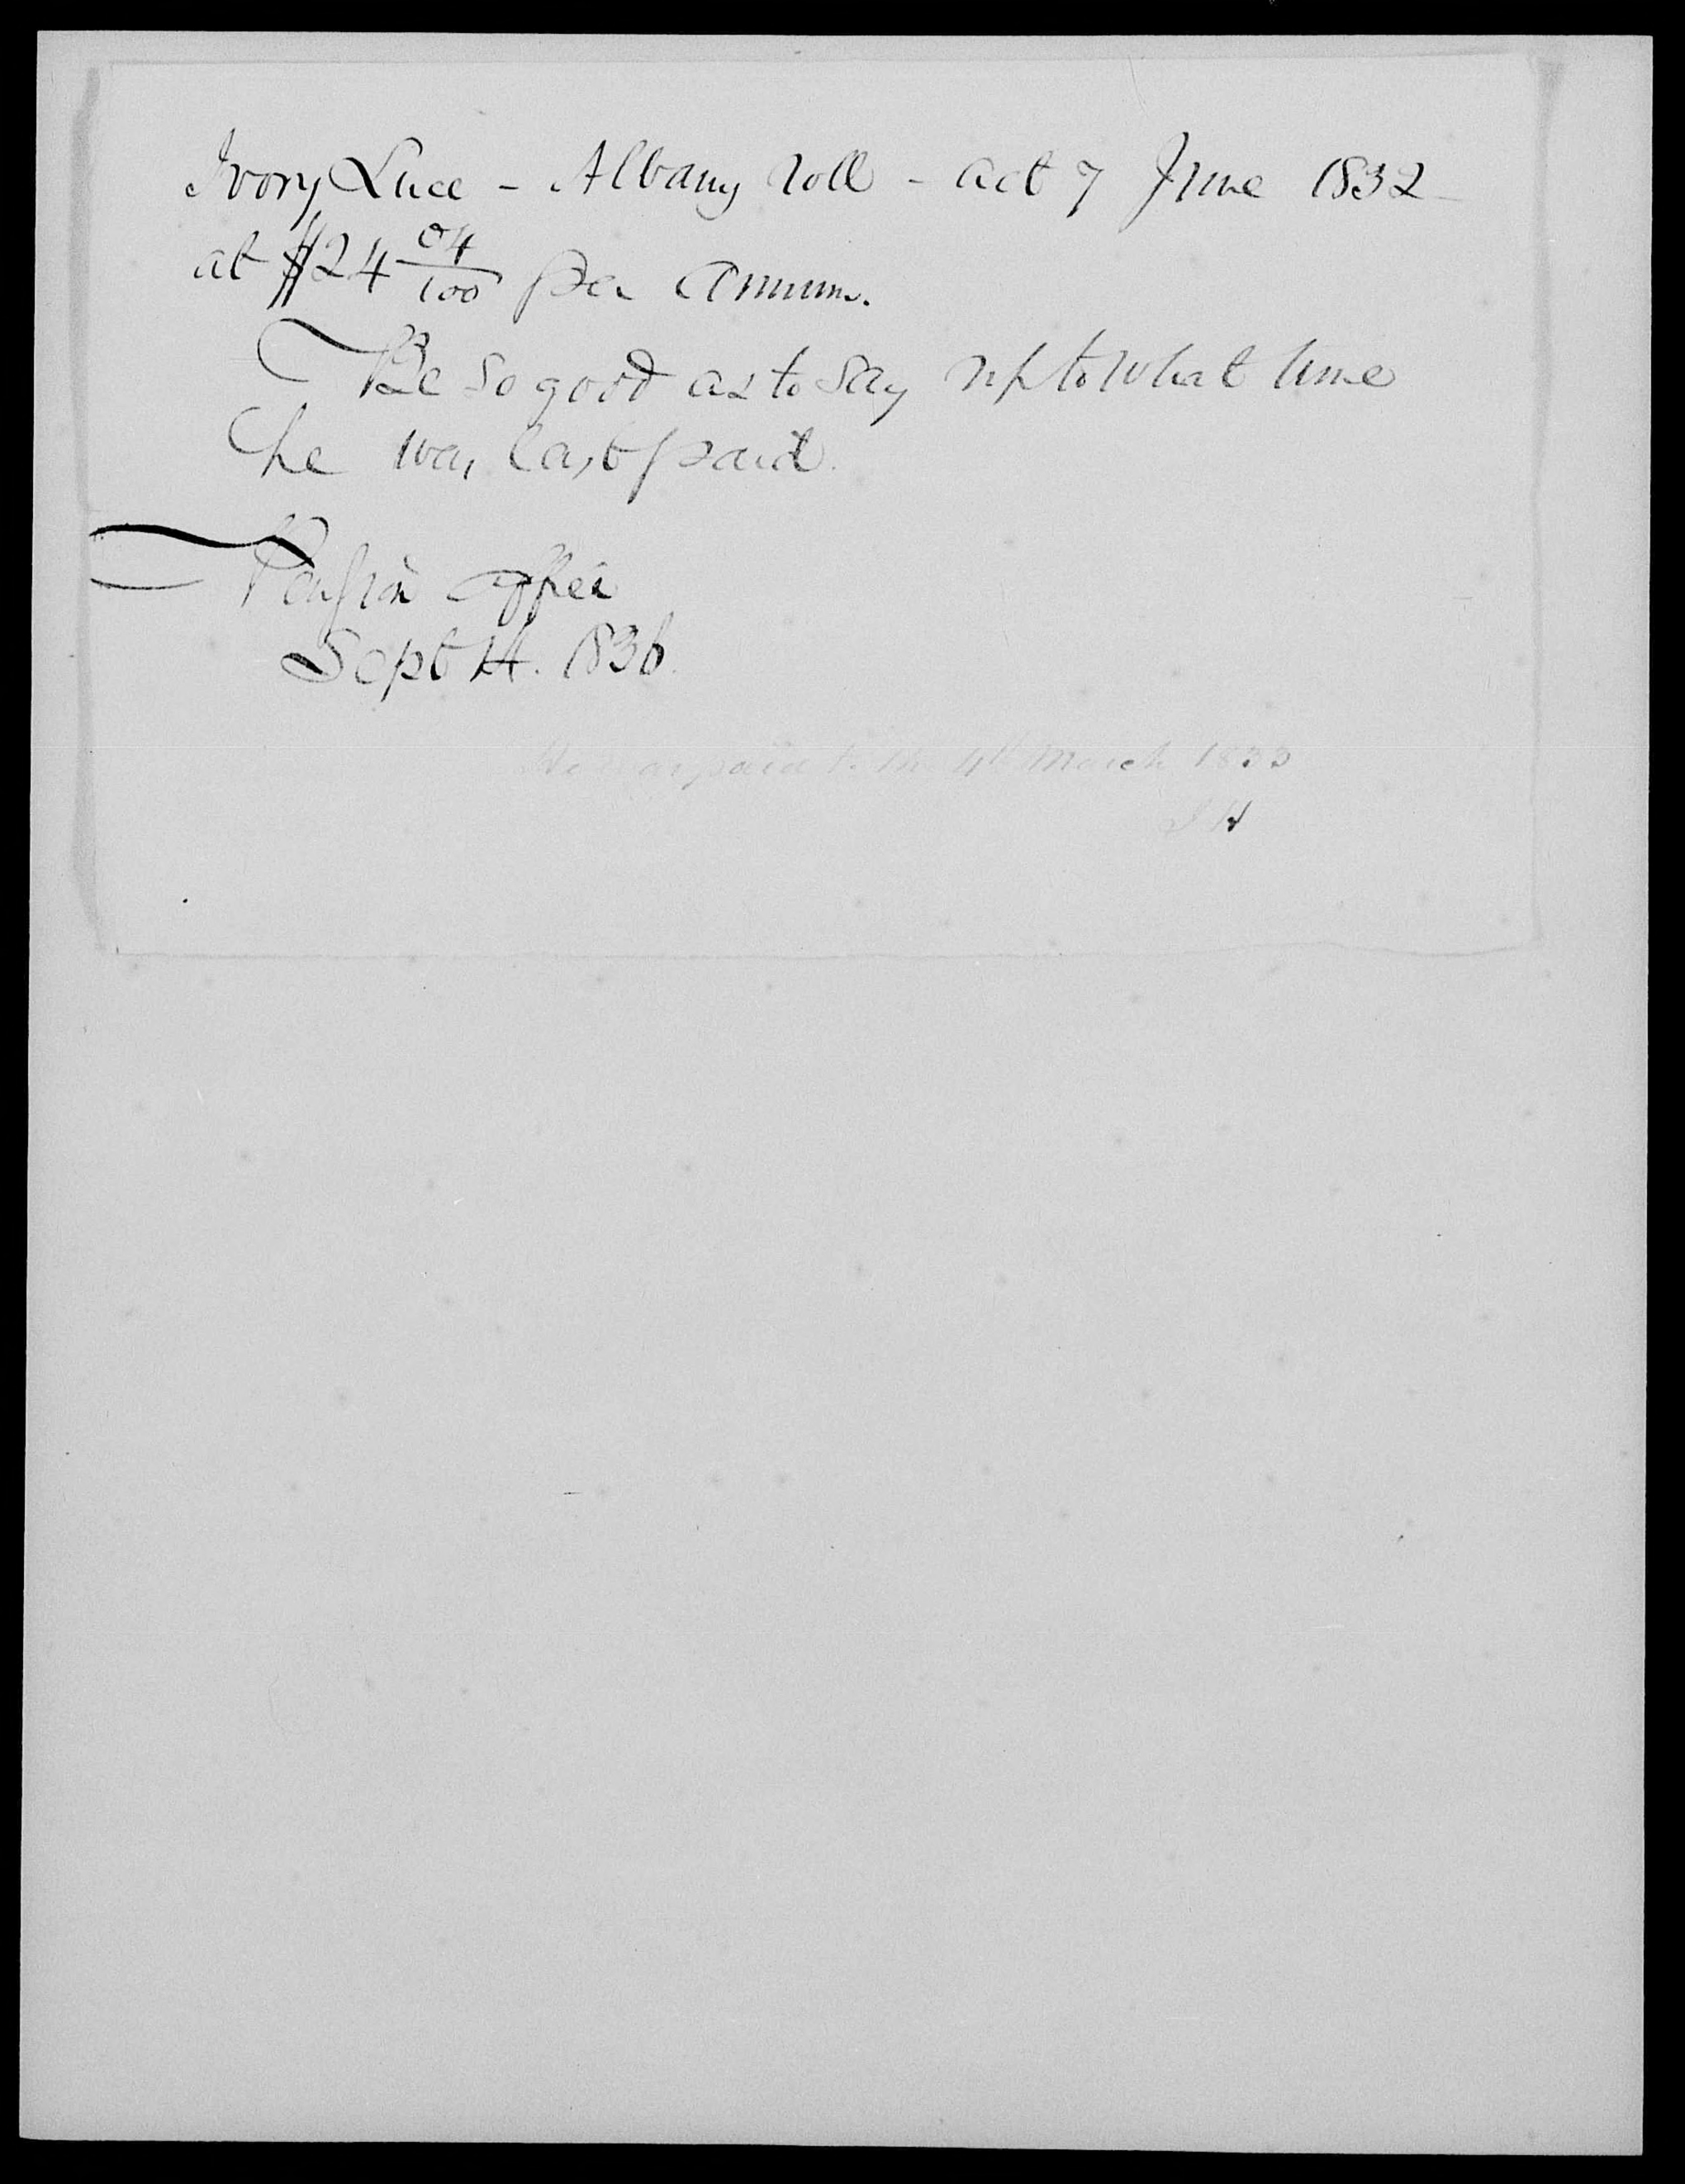Ivory Luce - Albany Roll - Act 7 June 1832 at $24.04/100 per Annum.

Be so good as to say as to what time he was last paid.

Pension Office
Sept 14. 1836

[penciled]

He was paid to the 4th March 1833
JH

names: Ivory Luce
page: 64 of 70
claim: rejected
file: R. 6510, for Israel Luce, New York